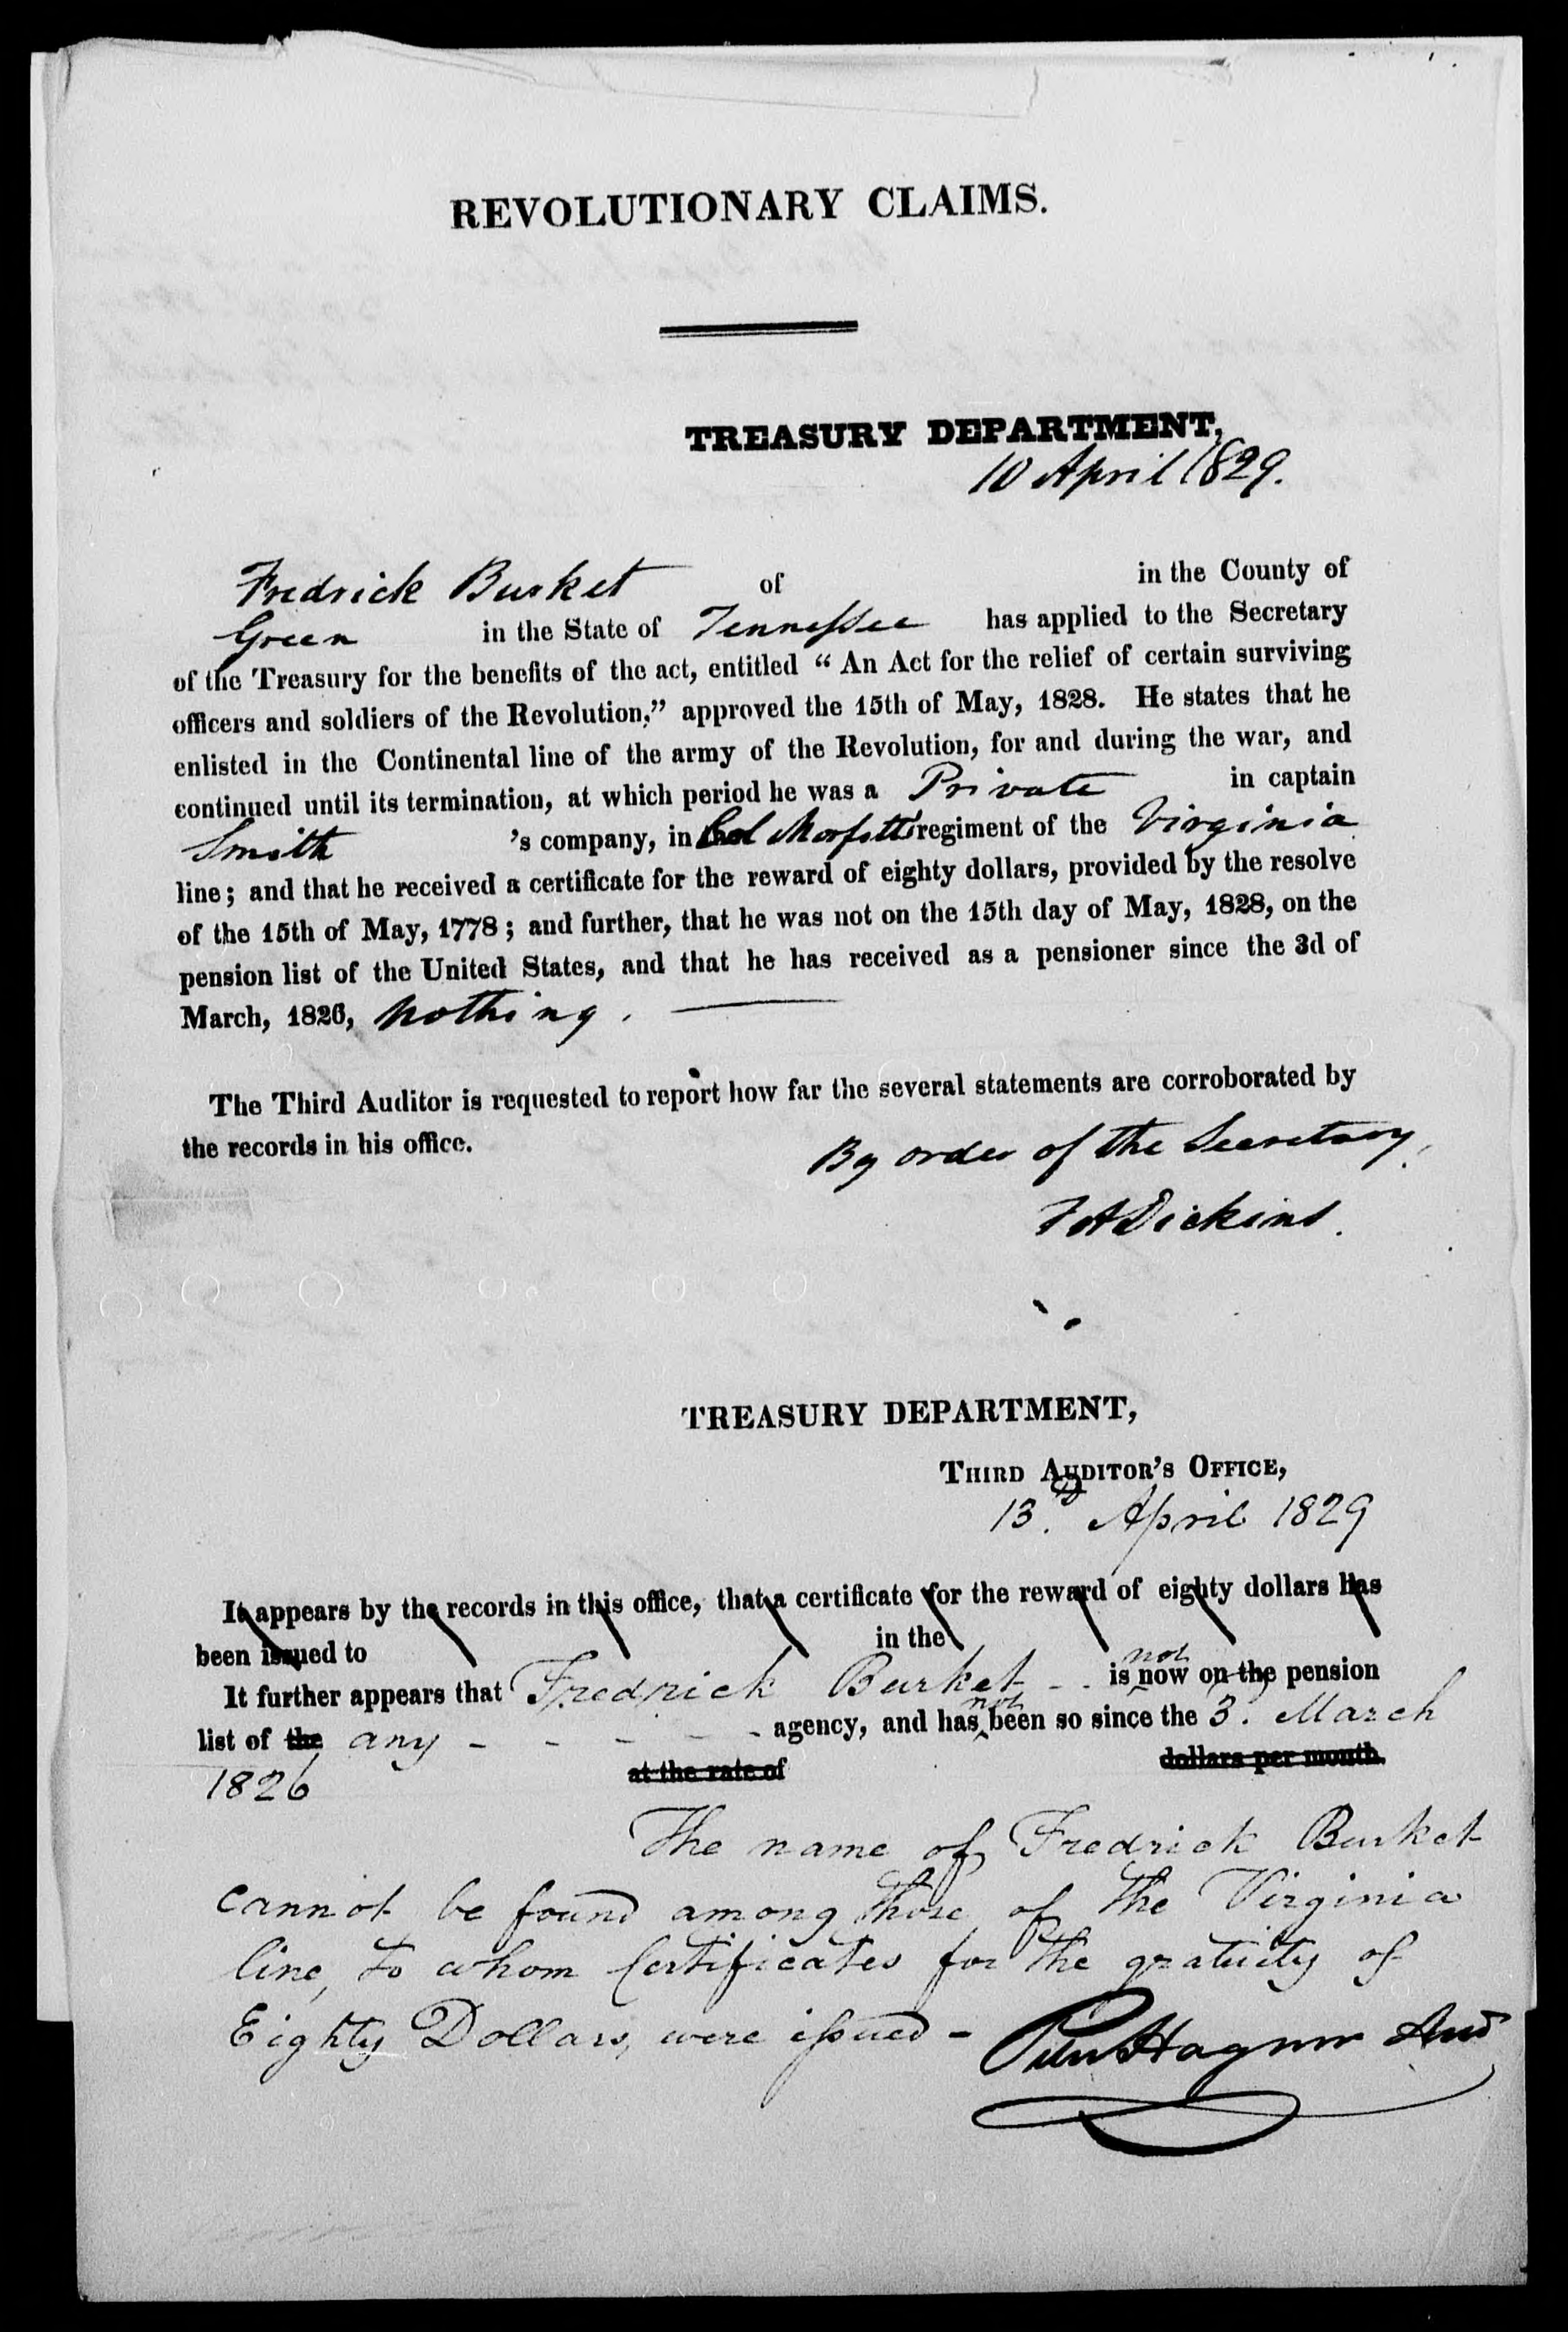REVOLUTIONARY CLAIMS.
TREASURY DEPARTMENT.
10 April 1829.

Fredrick Burket of    in the County of Green in the State of Tennessee has applied to the Secretary of the Treasury for the benefits of the act, entitled “An Act for the relief of certain surviving officers and soldiers of the Revolution,” approved the 15th May, 1829.  He states that he enlisted in the Continental line of the army of the Revolution, for and during the war, and continued until its termination, at which period he was a private in captain Smith’s company, in Col Mofett regiment of the Virginia line; and that he received a certificate for the reward of eighty dollars, provided by the resolve of the 15th of May, 1778; and further, that he was not on the 15th day of May, 1828, on the pension list of the United States, and that he has received as a pensioner since the 3d of March, 1826, nothing. –
The Third Auditor is requested to report how far the several statements are corroborated by the records in his office.
By order of the Secretary,
G A Dickins

TREASURY DEPARTMENT
Third Auditor’s Office,
13th April 1829

(the following has been crossed out)
{It appears by the records in this office, that a certificate for the reward of eighty dollars has been issued to}
It further appears that Fredrick Burket is not now on the pension list of any -------agency, and has not been so since the 3rd March 1826
The name of Fredrick Burket cannot be found among those of the Virginia line, to whom Certificates for the gratuity of Eighty Dollars, were issued –
Peter Hagner, Aud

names: Fredrick Burket, Fredrick Burket, Smith, F A Dickins, Fredrick Burket, Peter Hagner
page: 14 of 47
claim: survivor's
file: S. 3102, Frederick Burket, Va.